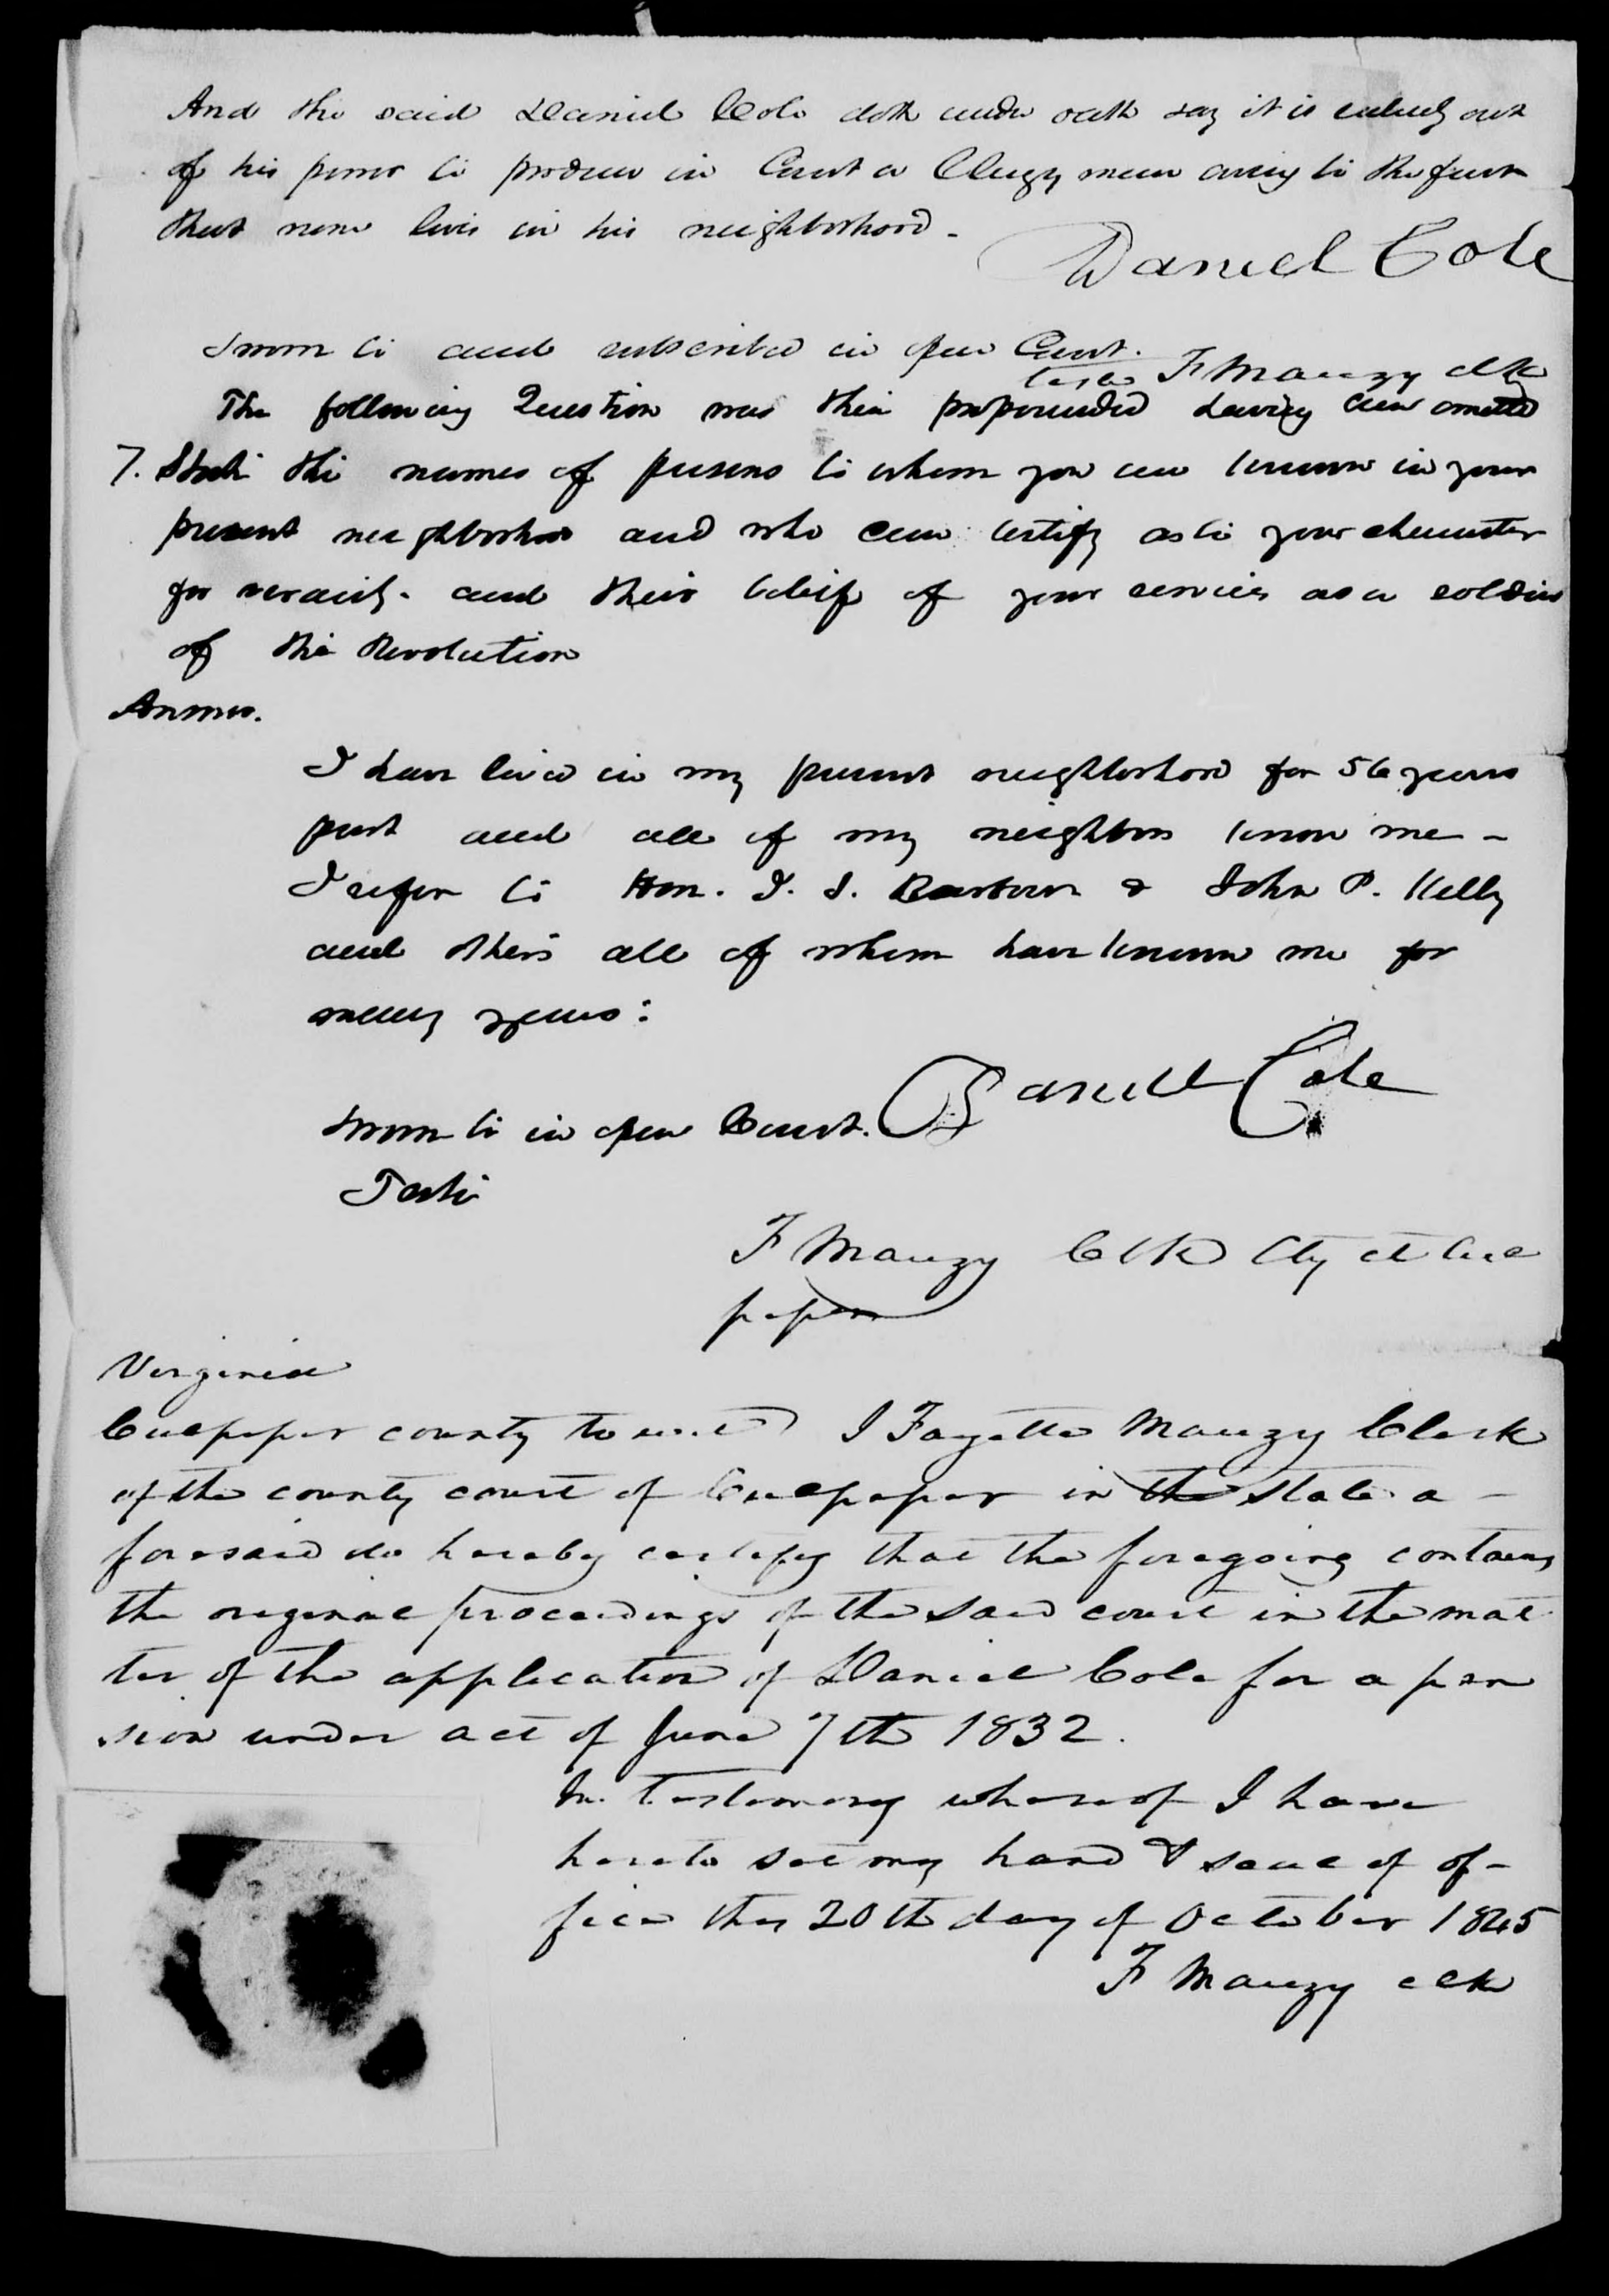And the said Daniel Cole doth under oath say it is entirely out of his power to produce in Court a Clergyman any to the first
that now lives in his neighborhood
Daniel Cole

Sworn to and subscribed in open Court.
Testi F. Mauzy clk [clerk]

The following question was their propounded during [illegible] [illegible]
State the names of persons to whom you are known in your present neighborhood and who can certify as to your character for veracity and their belief of your services as a soldier the Revolution
Answer:
I have lived in my present neighborhood  for 56 years past and all of my neighbors know me. I refer to Hon. J. S. Barbour & John P. Kelly
and others all of whom have known me for many years.
Daniel Cole
Sworn to in open Court Daniel Cole
Testi
F Mauzy Clk Cty Cthse [Courthouse] [illegible]

Virginia
Culpeper County to wit I Fayette Mauzy Clerk
of the county court of Culpeper in the State 
aforesaid do hereby certify that the foregoing contains the original proceedings of the said Court in the matter of the application of Daniel Cole for a pension under act of June 7th 1832.
In testimony whereof I have hereto set my hand & seal of office this 20th day of October 1845
F Mauzy Clk [clerk]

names: Daniel Cole, John P Kelly, Daniel Cole, F Mauzy, Daniel Cole, J S Barbour, Daniel Cole, F Mauzy, F Mauzy, Fayette Mauzy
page: 13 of 61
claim: survivor's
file: S. 8236, Daniel Cole, Va.